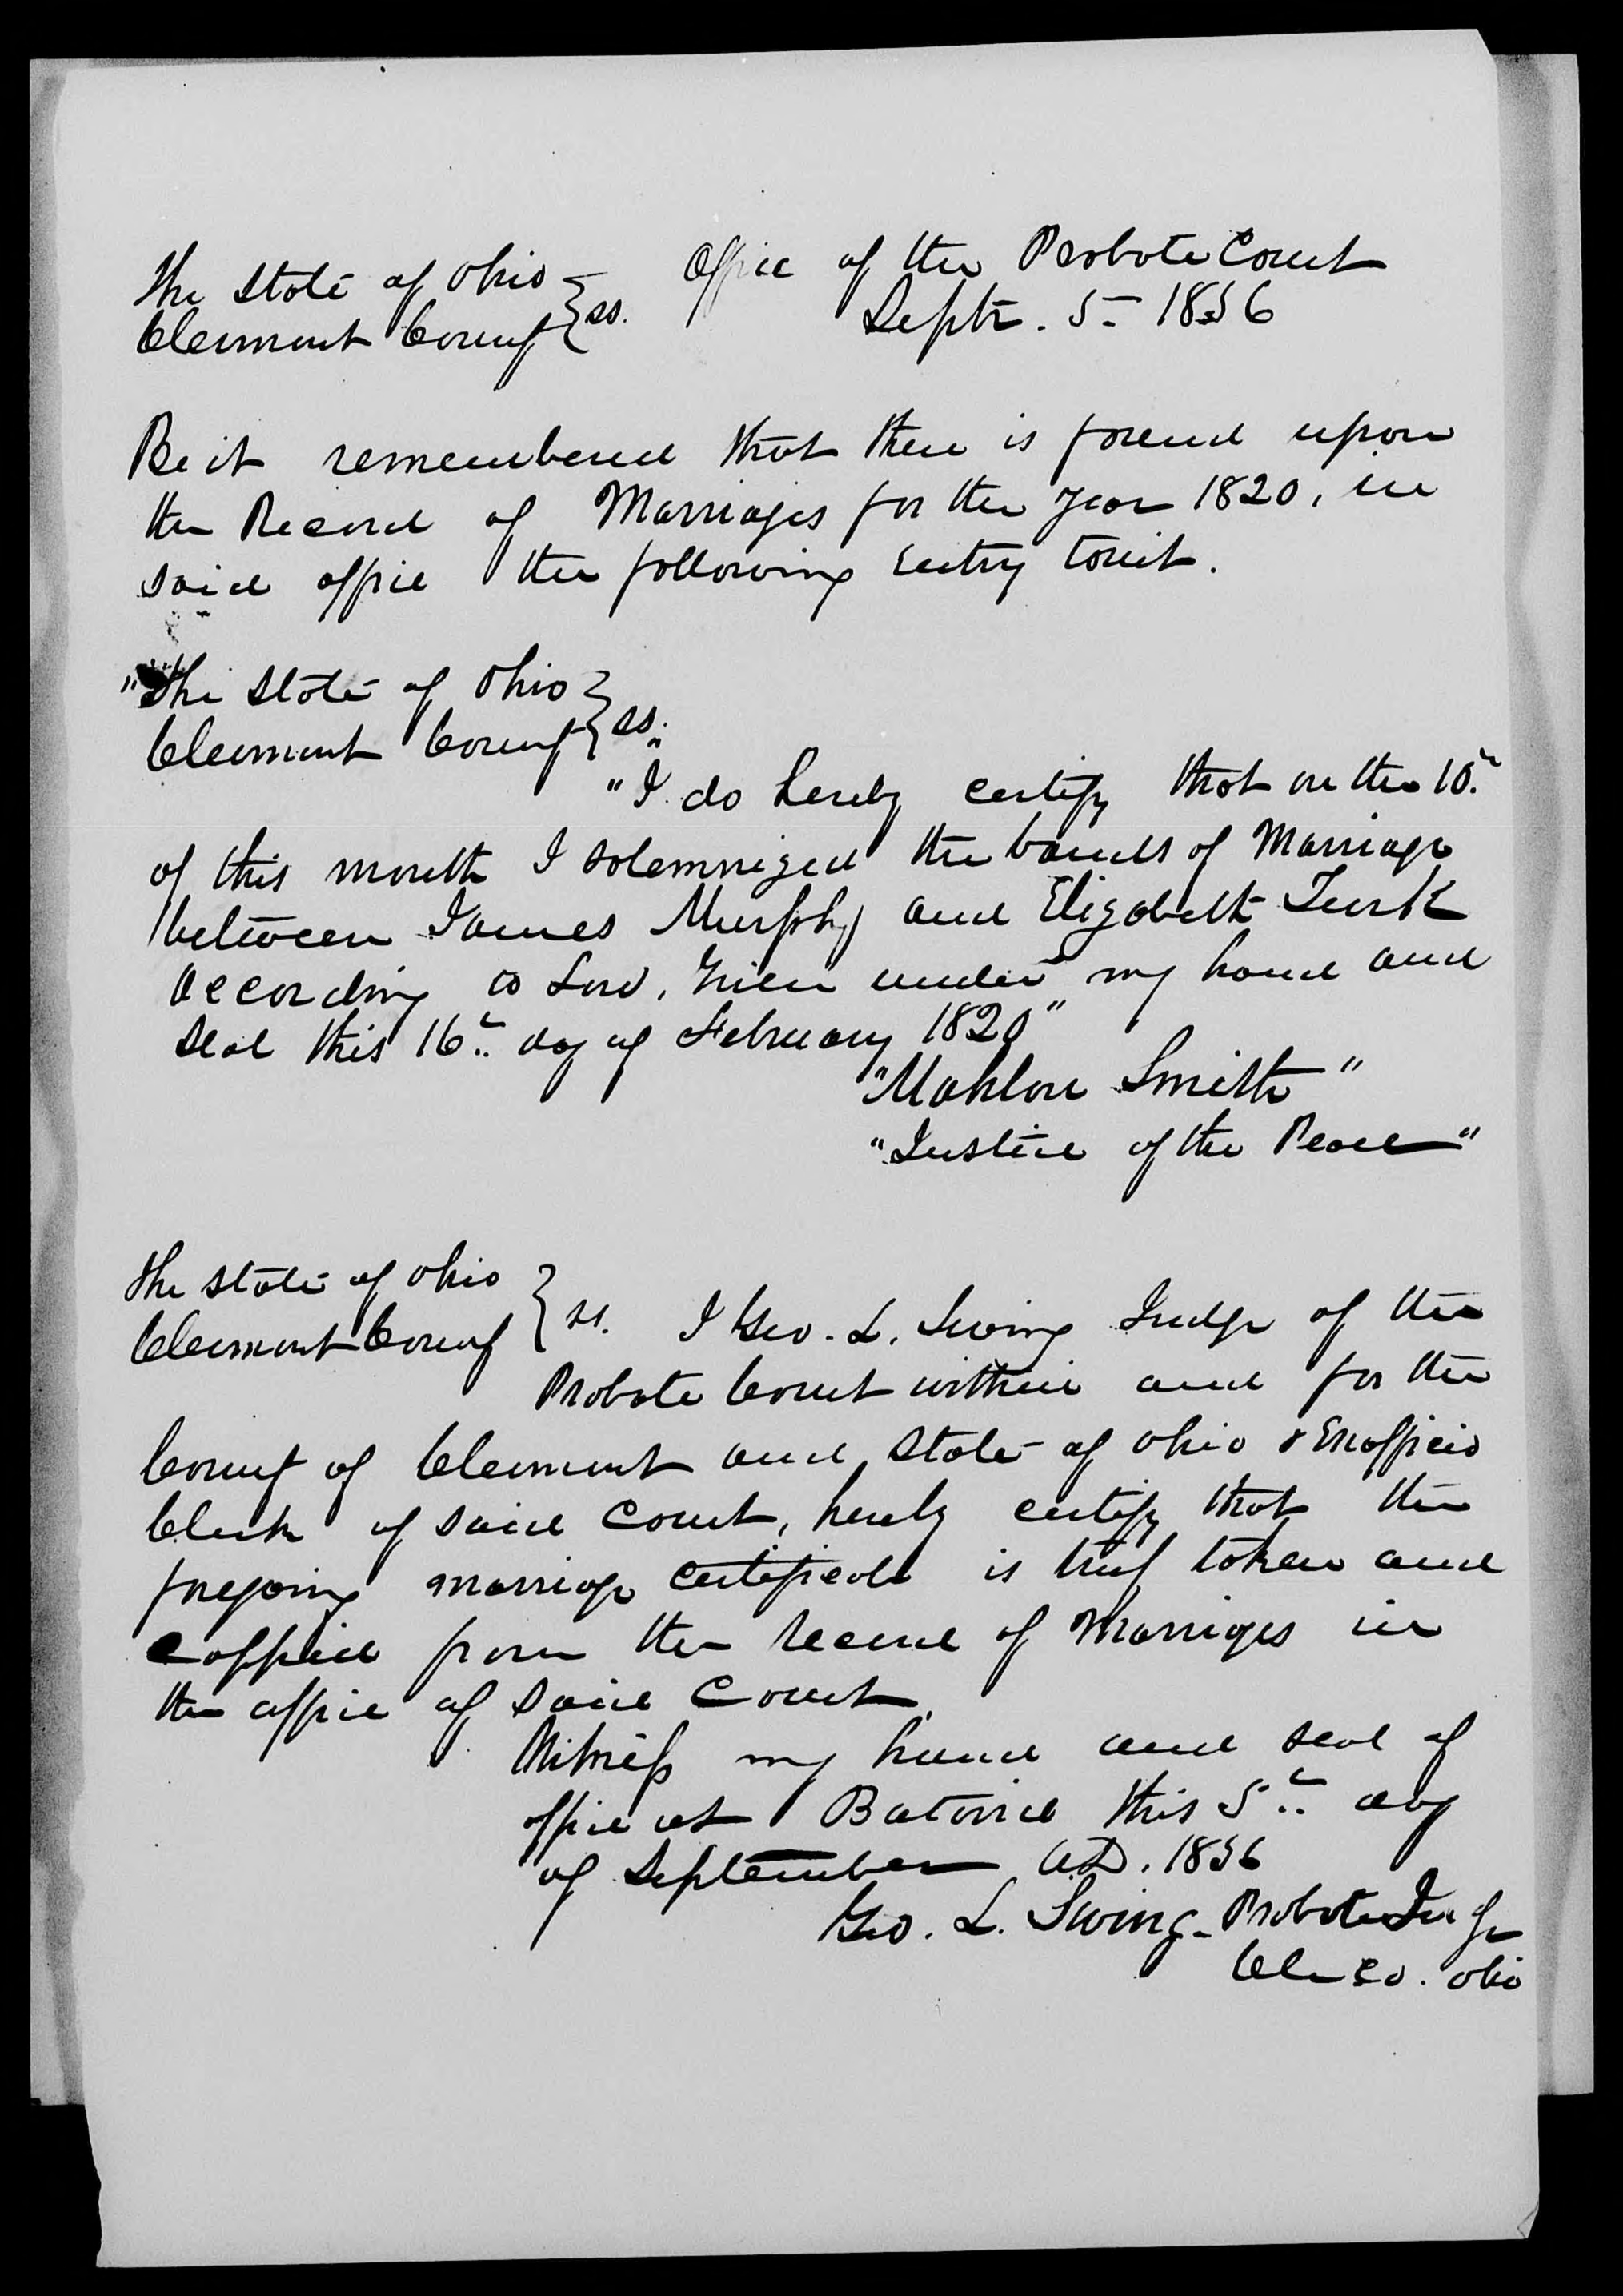The State of Ohio
Clermont County    ss

Office of the Probate Court
Sept. 5, 1856

Be it remembered that there is found upon
the Record of Marriages for the year 1820, in
said office the following city towit.

The State of Ohio
Clement County    ss

I do hereby certify that on the 10th
of this month I solemnized the bonds of Marriage
between James Murphy and Elizabeth Turk
according to Law. Given under my hand and
seal this 16th day of February 1829
Mahlon Smith "
"Justice of the Peace"

The State of Ohio
Clermont County   ss

I Geo. L. Living Judge of the
Probate Court within and for the
County of Clement and State of Ohio & Exzfficio
Clerk of said Court, hereby certify that
foregoing the marriage certificate is thus taken and 
applied from the record of Manges in
the office of said Court.
Witness my hand and seal of
office at Batavia this 5 day
of September A.D. 1856
Geo. L. Iwing Probate Ju. for
Cler. Co. Ohio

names: Geo L Swing; Mahlow Smith; Elizabeth Turk; James Murphy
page: 42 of 57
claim: widow's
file: W. 25,739, for James Murphey, Pennsylvania